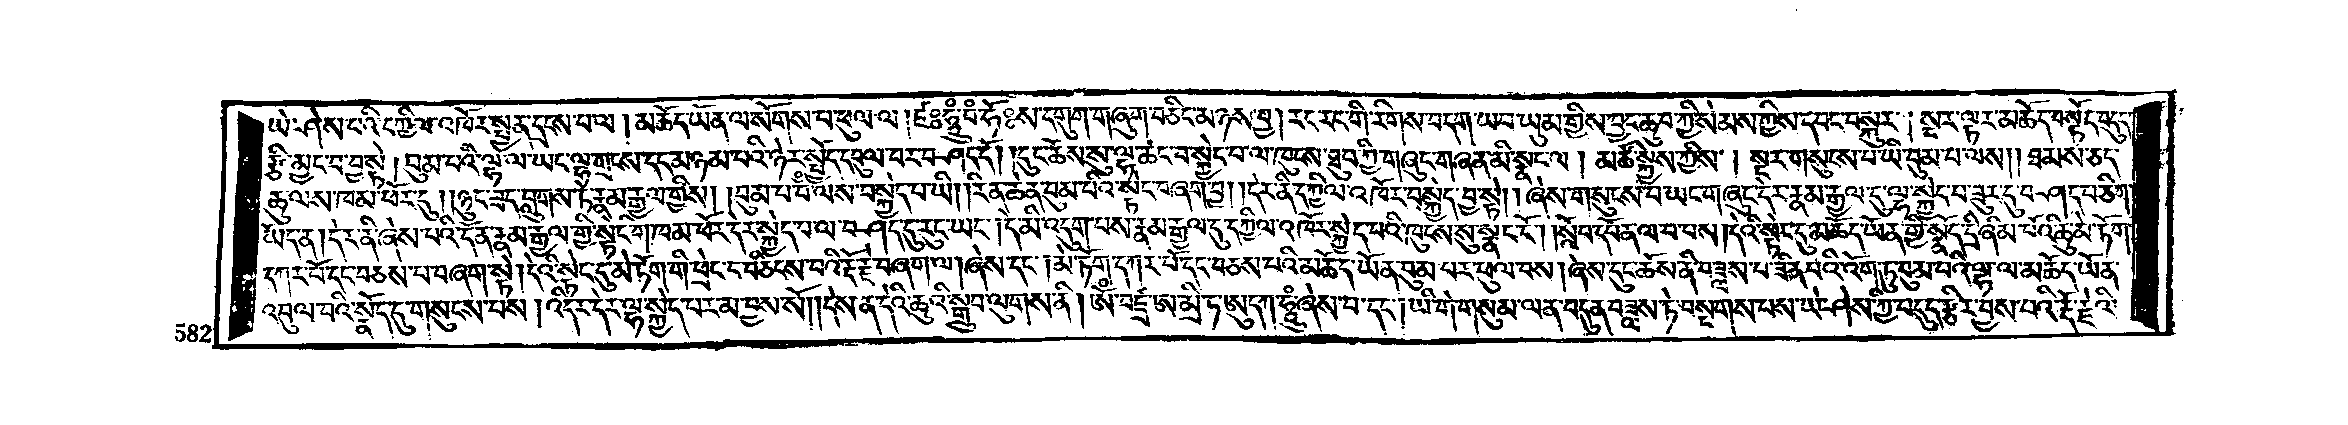ཡེ་ཤེས་པའི་དཀྱིལ་འཁོར་སྤྱན་དྲངས་པ་ལ། མཆོད་ཡོན་ལ་སོགས་པ་ཕུལ་ལ། ཛཿ ཧཱུཾ་བཾ་ཧོཿ ས་དགུག་གཞུག་བཅིང་མཉས་བྱ། རང་རང་གི་རིགས་བདག་ཡབ་ཡུམ་གྱིས་བྱང་ཆུབ་ཀྱི་སེམས་ཀྱིས་དབང་བསྐུར། སྔར་ལྟར་མཆོད་བསྟེད་བདུད་
རྩི་མྱང་བ་བྱ་སྟེ། བུམ་པའི་ལྷ་ལ་ཡང་ལྷ་གྲངས་དང་མཉམ་པའི་ཉེར་སྤྱོད་དབུལ་བར་བཤད་དོ། །དུང་ཆོས་སུ་ལྷ་ཚང་བ་སྐྱེད་པ་ལ་ཁུངས་ཐུབ་ཀྱི་གཞུང་གཞན་མི་སྣང་ལ། མཚོ་སྐྱེས་ཀྱིས། སྔར་གསུངས་པ་ཡི་བུམ་པ་ལས། །ཐམས་ཅད་
ཆུ་ལས་ཁམ་ཕོར་དུ། །ཉུང་ཟད་བླུགས་ཏེ་རྣམ་རྒྱལ་གྱིས། །བུམ་པ་བཾ་ལས་བསྐྱེད་པ་ཡི། །རིན་ཆེན་བུམ་པའི་སྟེང་བཞག་བྱ། །དེར་ནི་དཀྱིལ་འཁོར་བསྐྱེད་བྱ་སྟེ། །ཞེས་གསུངས་པ་ཡང་གཞུང་དེར་རྣམ་རྒྱལ་དུ་ལྷ་སྐྱེད་པ་ཟུར་དུ་བཤད་པ་ཅིག་
ཡོད་ན། དེར་ནི་ཞེས་པའི་དོན་རྣམ་རྒྱལ་གྱི་སྟེང་གི་ཁམ་ཕེར་དེར་སྐྱེད་པ་ལ་བཤད་དུ་རུང་ཡང་། དེ་མི་འདུག་པས་རྣམ་རྒྱལ་དུ་དཀྱིལ་འཁོར་སྐྱེད་པའི་ཁུངས་སུ་སྣང་ངོ། །སློབ་དཔོན་ལ་བ་པས། དེའི་སྟེང་དུ་མཆོད་ཡོན་གྱི་སྣོད་དྲི་ཞིམ་པོའི་ཆུ་མེ་ཏོག་
དཀར་པོ་དང་བཅས་པ་བཞག་སྟེ། དེའི་སྟེང་དུ་མེ་ཏོག་གི་ཕྲེང་བ་བཅིངས་པའི་རྡོ་རྗེ་བཞག་ལ། ཞེས་དང་། མེ་ཏོག་དཀར་པོ་དང་བཅས་པའི་མཆོད་ཡོན་བུམ་པར་ཕུལ་བས། ཞེས་དུང་ཆོས་ནི་བཟླས་པ་ཟིན་པའི་འོག་ཏུ་བུམ་པའི་ལྷ་ལ་མཆོད་ཡོན་
འབུལ་བའི་སྣོད་དུ་གསུངས་པས། འདིར་དེར་ལྷ་སྐྱེད་པར་མ་བྱས་སོ། །དེས་ན་དེའི་ཆུའི་སྒྲུབ་ལུགས་ནི། ཨོཾ་བཛྲ་ཨ་མྲི་ཏ་ཨུདཀ་ཧཱུཾ་ཞེས་པ་དང་། ཡི་གེ་གསུམ་ལན་བདུན་བཟླས་ཏེ་བསྔགས་པས་ཡེ་ཤེས་ཀྱི་བདུད་རྩིར་བྱས་པའི་རྡོ་རྗེའི་